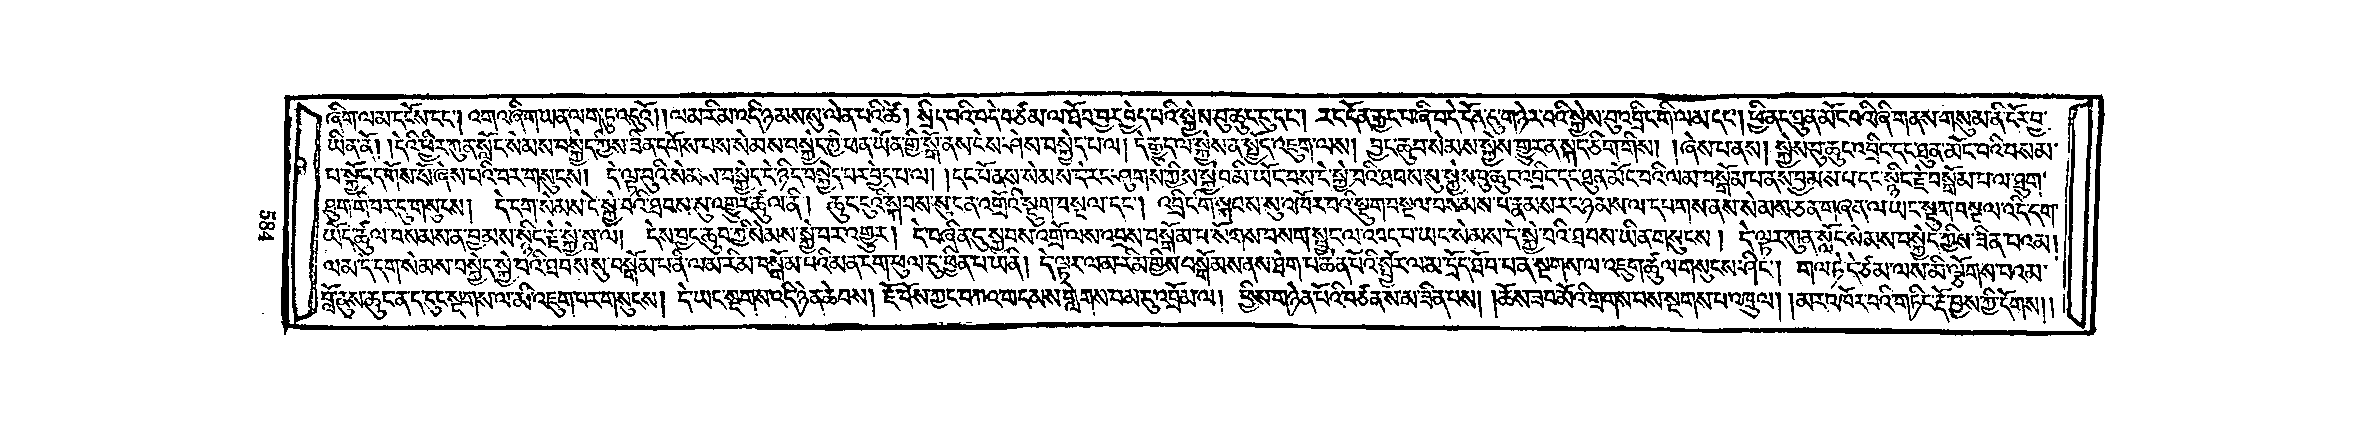ཞིག་ལམ་དངོས་དང་། འགའ་ཞིག་ཡན་ལག་ཏུ་འདུའོ། །ལམ་རིམ་འདི་ཉམས་སུ་ལེན་པའི་ཚེ། སྲིད་པའི་བདེ་བ་ཙམ་ལ་ཐོབ་བྱར་བྱེད་པའི་སྐྱེས་བུ་ཆུང་ངུ་དང་། རང་དོན་རྐྱང་པ་ཞི་བདེ་དོན་དུ་གཉེར་བའི་སྐྱེས་བུ་འབྲིང་གི་ལམ་དང་། ཕྱི་ནང་ཐུན་མོང་བའི་ཞི་གནས་གསུམ་ནི་དོར་བྱ་
ཡིན་ནོ། །དེའི་ཕྱིར་ཀུན་སློང་སེམས་བསྐྱེད་ཀྱིས་ཟིན་དགོས་པས་སེམས་བསྐྱེད་ཀྱི་ཕན་ཡོན་གྱི་སྒོ་ནས་ངེས་ཤེས་བསྐྱེད་པ་ལ། དེ་རྒྱུད་ལ་སྐྱེས་ན་སྤྱོད་འཇུག་ལས། བྱང་ཆུབ་སེམས་སྐྱེས་གྱུར་ན་སྐད་ཅིག་གིས། །ཞེས་པ་ནས། སྐྱེས་བུ་ཆུང་འབྲིང་དང་ཐུན་མོང་བའི་བསམ་
པ་སྐྱོང་དགོས་སོ་ཞེས་པའི་བར་གསུངས། དེ་ལྟ་བུའི་སེམས་བསྐྱེད་དེ་ཉིད་བསྐྱེད་པར་བྱེད་པ་ལ། །དང་པོ་ནས་སེམས་དེ་རང་ཤུགས་ཀྱིས་སྐྱེ་བ་མི་ཡོང་བས་དེ་སྐྱེ་བའི་ཐབས་སུ་སྐྱེས་བུ་ཆུང་འབྲིང་དང་ཐུན་མོང་བའི་ལམ་བསྒོམ་པ་ནས་བྱམས་པ་དང་སྙིང་རྗེ་བསྒོམ་པ་ལ་ཐུག་
ཐུག་གི་བར་དུ་གསུངས། དེ་དག་སེམས་དེ་སྐྱེ་བའི་ཐབས་སུ་འགྱུར་ཚུལ་ནི། ཆུང་ངུའི་སྐབས་སུ་ངན་འགྲོའི་སྡུག་བསྔལ་དང་། འབྲིང་གི་སྐབས་སུ་འཁོར་བའི་སྡུག་བསྔལ་བསམས་པ་རྣམས་རང་ཉམས་ལ་དཔགས་ནས་སེམས་ཅན་གཞན་ལ་ཡང་སྡུག་བསྔལ་འདི་དག་
ཡོད་ཚུལ་བསམས་ན་བྱམས་སྙིང་རྗེ་སྐྱེ་སླ་ལ། དེས་བྱང་ཆུབ་ཀྱི་སེམས་སྐྱེ་བར་འགྱུར། དེ་བཞིན་དུ་སྐྱབས་འགྲོ་ལས་འབྲས་བསྒོམ་པ་སོགས་བསག་སྦྱང་ལ་འབད་པ་ཡང་སེམས་དེ་སྐྱེ་བའི་ཐབས་ཡིན་གསུངས། དེ་ལྟར་ཀུན་སློང་སེམས་བསྐྱེད་ཀྱིས་ཟིན་པའམ།
ལམ་དེ་དག་སེམས་བསྐྱེད་སྐྱེ་བའི་ཐབས་སུ་བསྒོམ་པ་ནི་ལམ་རིམ་བསྒོམ་པའི་མན་ངག་ཕུལ་དུ་ཕྱིན་པ་ཡིན། དེ་ལྟར་ལམ་རིམ་གྱིས་བསྒོམས་ནས་ཐེག་པ་ཆེན་པོའི་སྦྱོར་ལམ་དྲོད་ཐོབ་པ་ན་སྔགས་ལ་འཇུག་ཚུལ་གསུངས་ཤིང་། གལ་ཏེ་དེ་ཙམ་ལས་མི་ལྕོགས་པའམ་
བློ་ནུས་ཆུང་ན་ད་དུང་སྔགས་ལ་མི་འཇུག་པར་གསུངས། དེ་ཡང་སྔགས་འདི་ཉེན་ཆེ་བས། ཇོ་བོས་ཀྱང་བཀའ་གདམས་གླེགས་བམ་དུ་འབྲོམ་ལ། ཕྱིས་གཉེན་པོའི་བཙན་ས་མ་ཟིན་པས། །ཆོས་ཟབ་མོའི་གྲགས་པས་སྔགས་པ་འཁྲུལ། །མར་འཁོར་བའི་གཏིང་རྡོ་བྱས་ཀྱི་དོགས། །